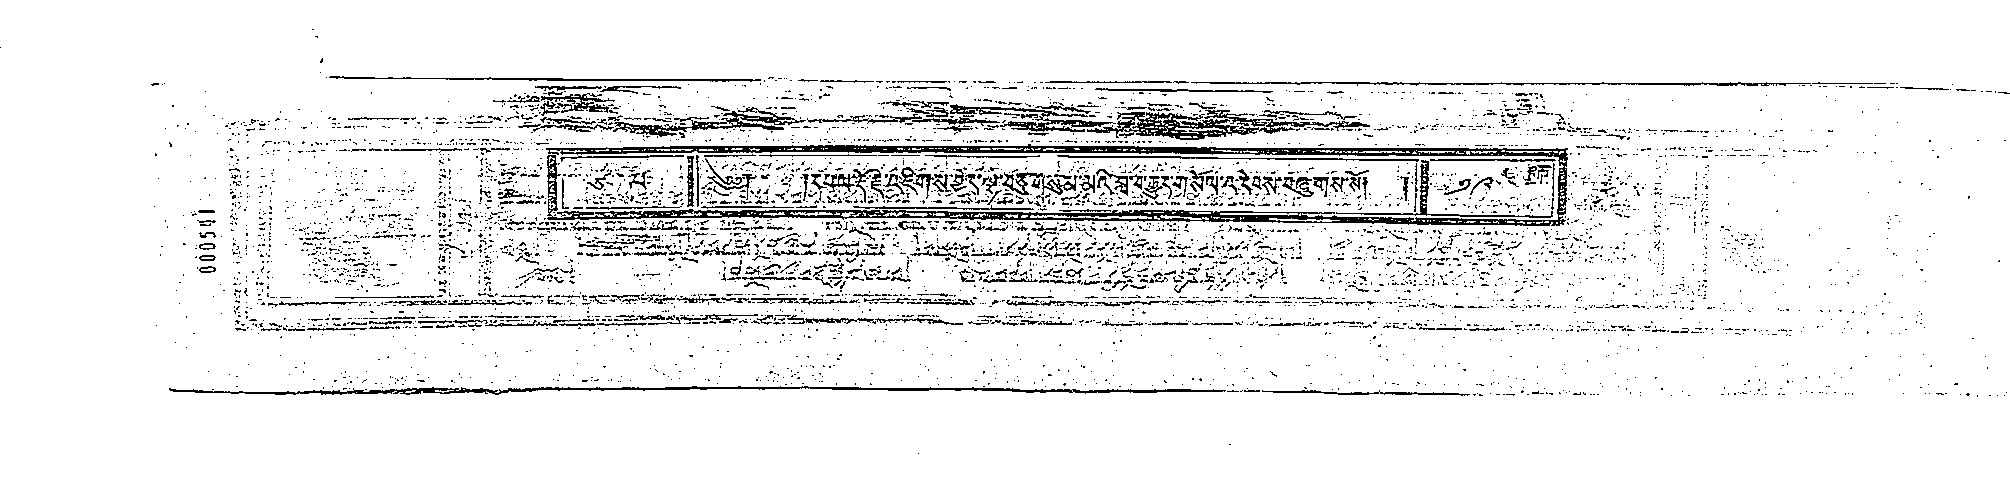ང༡༧?
ཙ་པ་༄༅། །དཔལ་རྡོ་རྗེ་འཇིགས་བྱེད་ལྷ་བཅུ་གསུམ་མའི་བླ་བརྒྱུད་གསོལ་འདེབས་བཞུགས་སོ། ། ༡༩